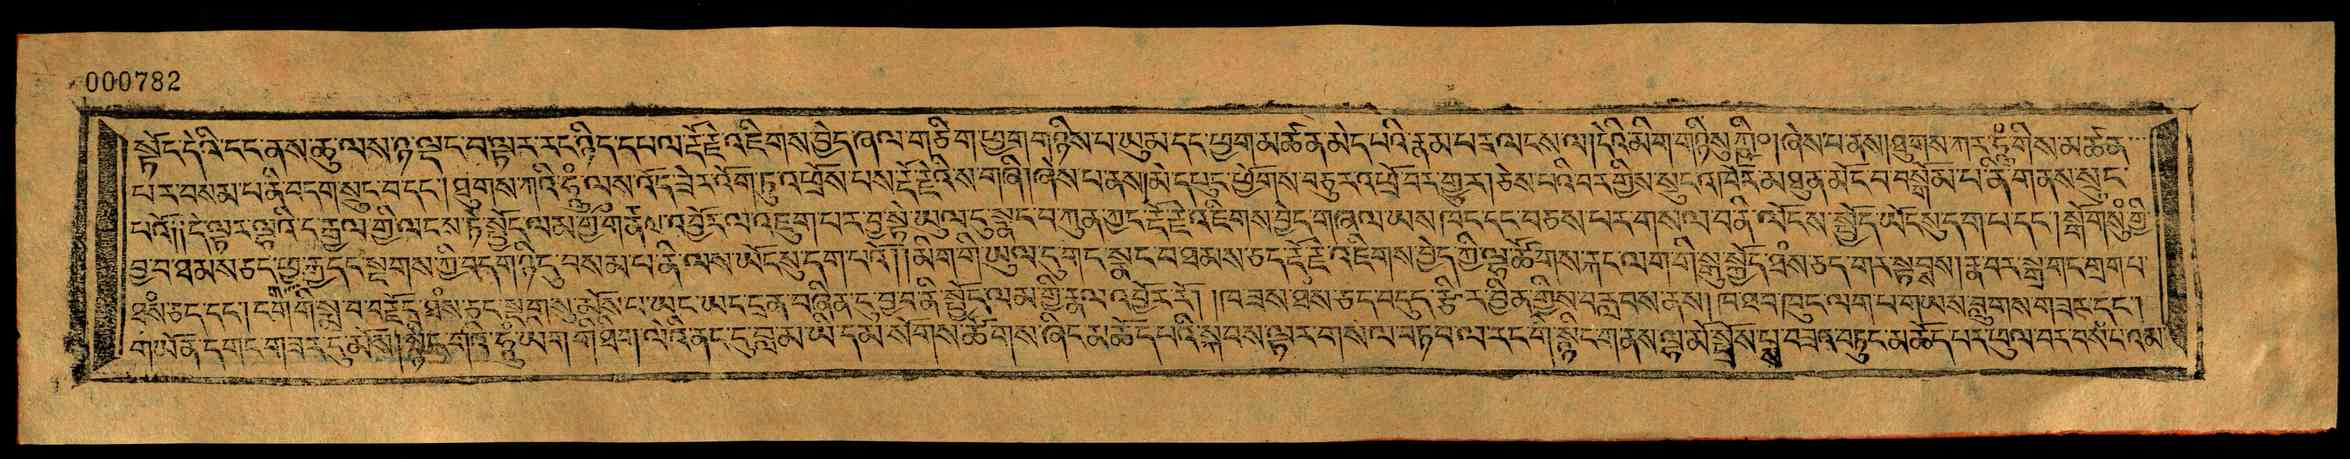སྟོང་དེའི་ངང་ནས་ཆུ་ལས་ཉ་ལྡང་བ་ལྟར་རང་ཉིད་དཔལ་རྡོ་རྗེ་འཇིགས་བྱེད་ཞལ་གཅིག་ཕྱག་གཉིས་པ་ཡུམ་དང་ཕྱག་མཚན་མེད་པའི་རྣམ་པར་ལངས་ལ། དེའི་མིག་གཉིས་སུ་ཀྵིཾ། ཞེས་པ་ནས། ཐུགས་ཀར་ཧཱུཾ་གིས་མཚན་
པར་བསམ་པ་ནི་བདག་སྲུང་བ་དང་། ཐུགས་ཀའི་ཧཱུཾ་ལས་འོད་ཟེར་འོག་ཏུ་འཕྲོས་པས་རྡོ་རྗེའི་ས་གཞི། ཞེས་པ་ནས། མེ་དཔུང་ཕྱོགས་བཅུར་འཕྲོ་བར་གྱུར། ཅེས་པའི་བར་གྱི་སྲུང་འཁོར་མཐུན་མོང་བ་བསྒོམ་པ་ནི་གནས་སྲུང་
པའོ༑ ༑དེ་ལྟར་ལྷའི་ང་རྒྱལ་གྱིས་ལངས་ཏེ་སྤྱོད་ལམ་གྱི་རྣལ་འབྱོར་ལ་འཇུག་པར་བྱ་སྟེ་ཡུལ་དུ་སྣང་བ་ཀུན་ཀྱང་རྡོ་རྗེ་འཇིགས་བྱེད་གཞལ་ཡས་ཁང་དང་བཅས་པར་གསལ་བ་ནི་ལོངས་སྤྱོད་ཡོངས་སུ་དག་པ་དང་། སྒོ་གསུམ་གྱི་བྱ་བ་
ཐམས་ཅད་ཕྱ་རྒྱ་དང་སྔགས་ཀྱི་བདག་ཉིད་དུ་བསམ་པ་ནི་ལས་ཡོངས་སུ་དག་པའོ། །མིག་གི་ཡུལ་དུ་གང་སྣང་བ་ཐམས་ཅད་རྡོ་རྗེ་འཇིགས་བྱེད་ཀྱི་ལྷ་ཚོགས། རྐང་ལག་གི་སྒུལ་སྐྱོད་ཐམས་ཅད་གར་སྟབས། རྣ་བར་སྒྲ་གང་གྲག་པ་ཐམས་
ཅད་དང་། ངག་གི་སྨྲ་བརྗོད་ཐམས་ཅད་སྔགས་སུ་མོས་པ་ཡང་ཡང་དྲན་བཞིན་དུ་བྱ་བ་ནི་སྤྱོད་ལམ་གྱི་རྣལ་འབྱོར་རོ། །ཁ་ཟས་ཐམས་ཅད་བདུད་རྩིར་བྱིན་གྱིས་བརླབས་ནས། ཁ་ཐབ་ཁུང་ལག་པ་གཡས་བླུགས་གཟེར་དང་།
གཡོན་དག་གང་གཟར་དུ་མོས། སྙིང་གའི་ཧཱུཾ་ཡིག་གི་ཐིག་ལེའི་ནང་དུ་བླ་མ་ཡི་དམ་སོགས་ཚོགས་ཞིང་མཆོད་པའི་སྐབས་ལྟར་གསལ་བཏབ་ལ་རང་གི་སྙིང་གནས་ལྷ་མོ་སྤྲོས་པས་བཟའ་བཏུང་མཆོད་པར་ཕུལ་བར་བསམ་པའམ་